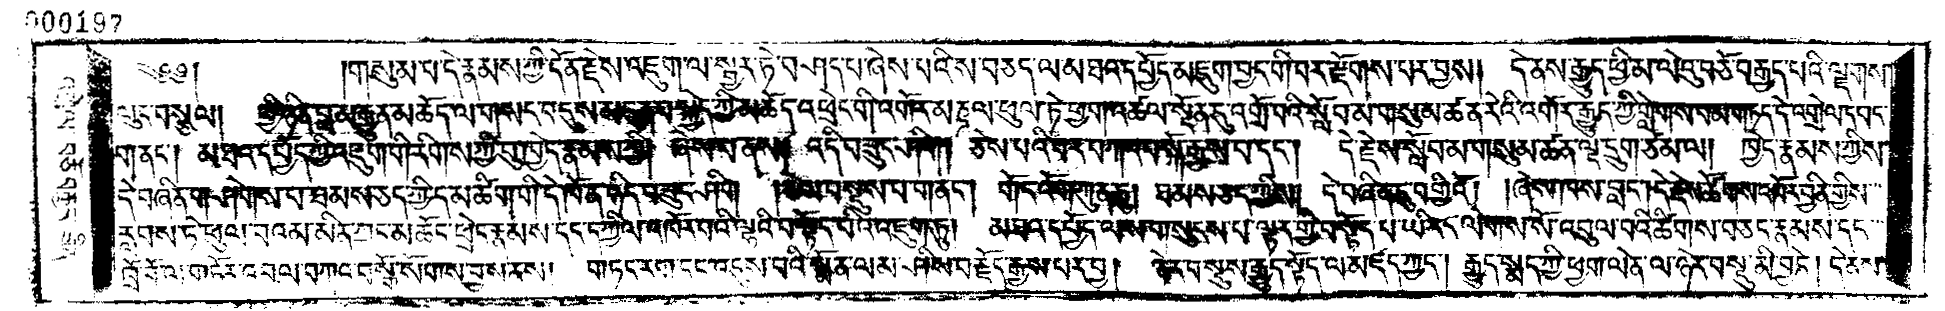༄༅། །གསུམ་པ་དེ་རྣམས་ཀྱི་དོན་རྗེས་འཇུག་ལ་སྦྱར་ཏེ་བཤད་པ་ཞེས་པའི་ས་བཅད་ལ་མཐའ་དཔྱོད་མཇུག་བྱང་གི་བར་རྫོགས་པར་བྱས། དེ་ནས་རྒྱུད་ཕྱི་མ་ལེའུ་བཅོ་བརྒྱད་པའི་ལྗགས་
ལུང་བསྩལ། ཕྱི་ཉིན་བླ་མ་རྒྱུན་མཆོད་ལ་གསང་བདུས་མདུན་བསྐྱེད་ཀྱི་མཆོད་འཕྲེང་གི་འགོར་མཎྜལ་ཕུལ་ཏེ་ཕྱག་འཚལ་སྔོན་དུ་འགྲོ་བའི་སློབ་མ་གསུམ་ཚན་རེའི་འགོར་རྒྱུད་ཀྱི་གླེགས་བམ་གཏད་དེ་འགྲེལ་དབང་
གནང་། མཐའ་དཔྱོད་ཀྱི་འཇུག་གི་རིགས་ཀྱི་བུ་ཁྱེད་རྣམས་ཀྱི། ཞེས་པ་ནས། འདི་བཟུང་ཤིག །ཅེས་པའི་བར་བཀའ་བསྐོ་རྒྱས་པ་དང་། དེ་རྗེས་སློབ་མ་གསུམ་ཚན་ལྔ་དྲུག་ཙམ་ལ། ཁྱེད་རྣམས་ཀྱིས་
དེ་བཞིན་གཤེགས་པ་ཐམས་ཅད་ཀྱི་དམ་ཚིག་གི་དེ་ཁོ་ན་ཉིད་བཟུང་ཤིག །ཅེས་བསྡུས་པ་གནང་། གོང་འོག་ཀུན་ཏུ། ཐམས་ཅད་ཀྱིས། དེ་བཞིན་དུ་བགྱིའོ། །ཞེས་ཁས་བླང་། དེ་རྗེས་ཚོགས་འཁོར་བྱིན་གྱིས་
རླབས་ཏེ་ཕུལ་བའམ་མིན་ཀྱང་མཆོད་ཕྲེང་རྣམས་དང་དཀྱིལ་འཁོར་པའི་ལྷའི་བསྟོད་པའི་འཇུག་ཏུ། མཐའ་དཔྱོད་ལས་གསུངས་པ་ལྟར་གྱི་བསྟོད་པ་ཡི་རང་ལེགས་སོ་འབུལ་བའི་ཚིགས་བཅད་རྣམས་དང་
ཁྲོ་བོ་ལ་གཏོར་འབུལ་བཀའ་བསྒོ་སོགས་བྱས་ནས། གཏང་རག་དང་འདུས་པའི་སྨོན་ལམ་ཤིས་བརྗོད་རྒྱས་པར་བྱ། ཉེར་བསྡུས་རྒྱུད་སྟོད་ལ་མཛད་ཀྱང་། རྒྱུད་སྨད་ཀྱི་ཕྱག་ལེན་ལ་ཉེར་བསྡུ་མི་བྱེད། དེ་ནས་